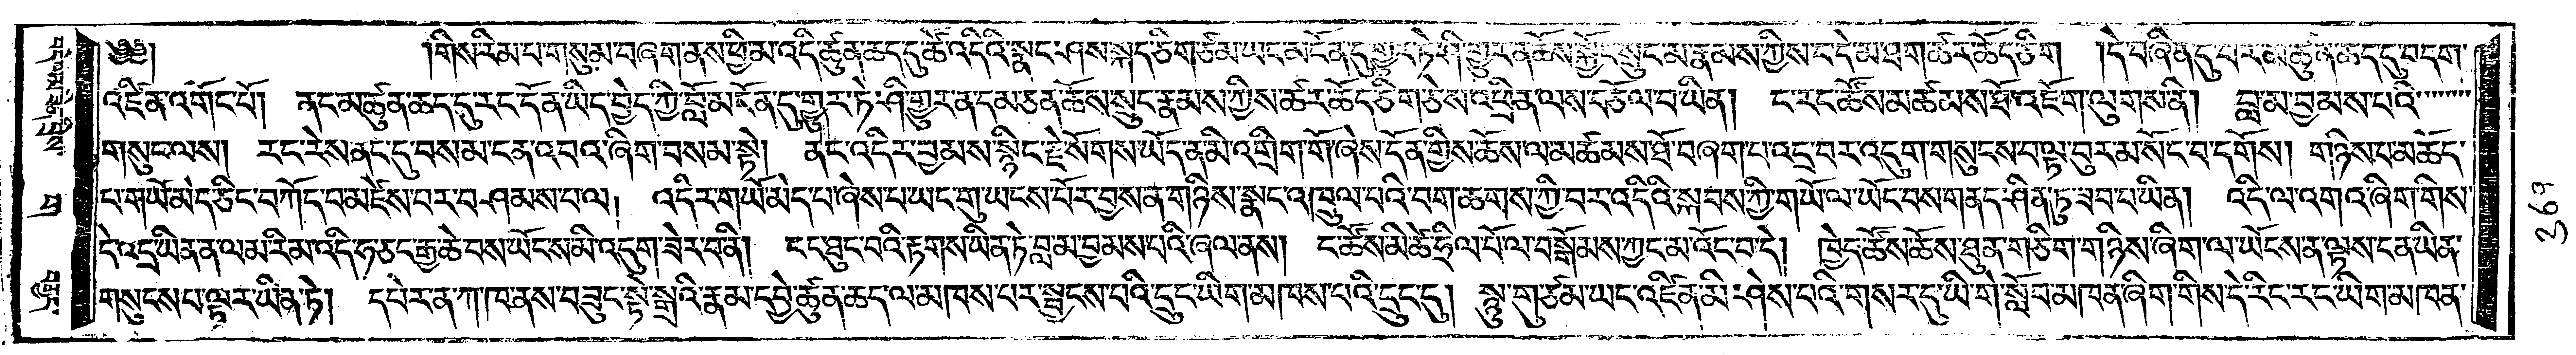༄༅། །གིས་རིམ་པ་གསུམ་བཞག་ནས་ཕྱི་མ་འདི་ཚུན་ཆད་དུ་ཚེ་འདིའི་སྣང་ཤས་སྐད་ཅིག་ཙམ་ཡང་མངོན་དུ་གྱུར་ཏེ་ཤི་གྱུར་ན་ཆོས་སྐྱོང་སྲུང་མ་རྣམས་ཀྱིས་ང་དེ་མ་ཐག་ཚར་ཆོད་ཅིག །དེ་བཞིན་དུ་བར་མ་ཚུན་ཆད་དུ་བདག་
འཛིན་འགོང་པོ། ནང་མ་ཚུན་ཆད་དུ་རང་དོན་ཡིད་བྱེད་ཀྱི་བློ་མངོན་དུ་གྱུར་ཏེ་ཤི་གྱུར་ནད་མ་ཅན་ཆོས་སྲུང་རྣམས་ཀྱིས་ཚར་ཆོད་ཅིག་ཅེས་འཕྲིན་ལས་བཅོལ་བ་ཡིན། ང་རང་ཚོས་མཚམས་ཐོ་འཇོག་ལུགས་ནི། བླ་མ་བྱམས་པའི་
གསུང་ལས། རང་རེས་ནང་དུ་བསམ་ངན་འབའ་ཞིག་བསམ་སྟེ། ནང་འདིར་བྱམས་སྙིང་རྗེ་སོགས་ཡོད་ན་མི་འགྲིག་གོ་ཞེས་དོན་གྱིས་ཆོས་ལ་མཚམས་ཐོ་བཞག་པ་འདྲ་བར་འདུག་གསུངས་བལྟ་བུར་མ་སོང་བ་དགོས། གཉིས་པ་མཆོད་
པ་གཡོ་མེད་ཅིང་བཀོད་པ་མཛེས་པར་བཤམས་པ་ལ། འདིར་གཡོ་མེད་པ་ཞེས་པ་ཡང་གུ་ཡངས་པོར་བྱས་ན་གཉིས་སྣང་འཁྲུལ་པའི་བག་ཆགས་ཀྱི་བར་འདིའི་སྐབས་ཀྱི་གཡོལ་ཡོང་བས་གནད་ཤིན་ཏུ་ཟབ་པ་ཡིན། འདི་ལ་འགའ་ཞིག་གིས་
དེ་འདྲ་ཡིན་ན་ལམ་རིམ་འདི་ཧ་ཅང་རྒྱ་ཆེ་བས་ཡོངས་མི་འདུག་ཟེར་བ་ནི། ངང་ཐུང་བའི་རྟགས་ཡིན་ཏེ་བླ་མ་བྱམས་པའི་ཞལ་ནས། ང་ཚོས་མི་ཚེ་ཧྲིལ་པོ་ལ་བསྒོམས་ཀྱང་མ་འོང་བ་དེ། ཁྱེད་ཚོས་ཆོས་ཐུན་གཅིག་གཉིས་ཞིག་ལ་ཡོངས་ན་ལྟས་ངན་ཡིན་
གསུངས་པ་ལྟར་ཡིན་ཏེ། དཔེར་ན་ཀ་ཁ་ནས་བཟུང་སྟེ་སྒྲའི་རྣམ་དབྱེ་ཚུན་ཆད་ལ་མཁས་པར་སྦྱངས་པའི་དྲུང་ཡིག་མཁས་པའི་དྲུང་དུ། སྙུ་གུ་ཙམ་ཡང་འཛིན་མི་ཤེས་པའི་གསར་དུ་ཡི་གེ་སློབ་མཁན་ཞིག་གིས་དེ་རིང་རང་ཡིག་མཁན་